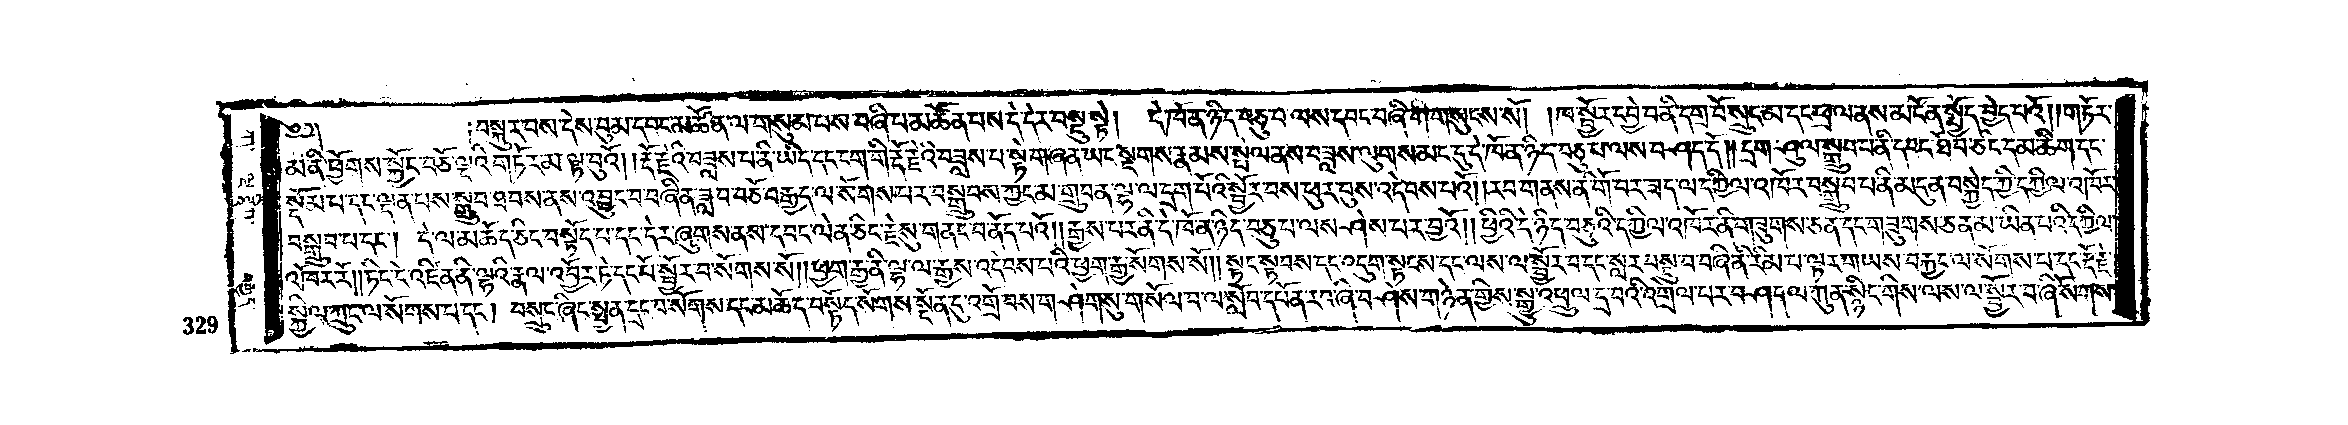༄༅། །བསྐུར་བས་དེས་བུམ་དབང་མཚོན་ལ་གསུམ་པས་བཞི་པ་མཚོན་པས་དེ་དེར་བསྡུ་སྟེ། དེ་ཁོ་ན་ཉིད་བཅུ་པ་ལས་དབང་བཞི་གི་གསུངས་སོ། །ཁ་སྦྱོར་དབྱེ་བ་ནི་དགྲ་བོ་སྲུང་མ་དང་ཕྲལ་ནས་མངོན་སྤྱོད་བྱེད་པའོ། །གཏོར་
མ་ནི་ཕྱོགས་སྐྱོང་བཅོ་ལྔའི་གཏོར་མ་ལྟ་བུའོ། །རྡོ་རྗེའི་བཟླས་པ་ནི་ཡིད་དང་ངག་གི་རྡོ་རྗེའི་བཟླས་པ་སྟེ་གཞན་ཡང་སྔགས་རྣམས་སྤེལ་ནས་བཟླས་ལུགས་མང་དུ་དེ་ཁོ་ན་ཉིད་བཅུ་པ་ལས་བཤད་དོ། །དྲག་ཤུལ་སྒྲུབ་པ་ནི་དབང་ཐོབ་ཅིང་དམ་ཚིག་དང་
སྡོམ་པ་དང་ལྡན་པས་སྒྲུབ་ཐབས་ནས་འབྱུང་བ་བཞིན་ཟླ་བ་བཅོ་བརྒྱད་ལ་སོགས་པར་བསྒྲུབས་ཀྱང་མ་གྲུབ་ན་ལྷ་ལ་དྲག་པོའི་སྦྱོར་བས་ཕུར་བུས་འདེབས་པའོ། །རབ་གནས་ནི་གོ་བར་ཟད་ལ་དཀྱིལ་འཁོར་བསྒྲུབ་པ་ནི་མདུན་བསྐྱེད་ཀྱི་དཀྱིལ་འཁོར་
བསྒྲུབ་པ་དང་། དེ་ལ་མཆོད་ཅིང་བསྟོད་པ་དང་དེར་ཞུགས་ནས་དབང་ལེན་ཅིང་རྗེས་སུ་གནང་བ་ནོད་པའོ། །རྒྱས་པར་ནི་དེ་ཁོ་ན་ཉིད་བཅུ་པ་ལས་ཤེས་པར་བྱའོ། །ཕྱིའི་དེ་ཉིད་བཅུའི་དཀྱིལ་འཁོར་ནི་གཟུགས་ཅན་དང་གཟུགས་ཅན་མ་ཡིན་པའི་དཀྱིལ་
འཁོར་རོ། །ཏིང་ངེ་འཛིན་ནི་ལྷའི་རྣལ་འབྱོར་ཏེ་དང་པོ་སྦྱོར་བ་སོགས་སོ། །ཕྱག་རྒྱ་ནི་ལྷ་ལ་རྒྱས་འདེབས་པའི་ཕྱག་རྒྱ་སོགས་སོ། །སྟང་སྟབས་དང་འདུག་སྟངས་དང་ལས་ལ་སྦྱོར་བ་དང་སླར་བསྡུ་བ་བཞི་ནི་རིམ་པ་ལྟར་གཡས་བརྐྱང་ལ་སོགས་པ་དང་རྡོ་རྗེ་
སྐྱིལ་ཀྲུང་ལ་སོགས་པ་དང་། བསྲུང་ཞིང་སྤྱན་དྲང་བ་སོགས་དང་མཆོད་བསྟོད་སོགས་སྔོན་དུ་འགྲོ་བས་གཤེགས་སུ་གསོལ་བ་ལ་སློབ་དཔོན་རབ་ཞི་བཤེས་གཉེན་གྱིས་སྒྱུ་འཕྲུལ་དྲ་བའི་འགྲེལ་པར་བཤད་ལ་ཀུན་སྙིང་གིས་ལས་ལ་སྦྱོར་བ་ཞི་སོགས་